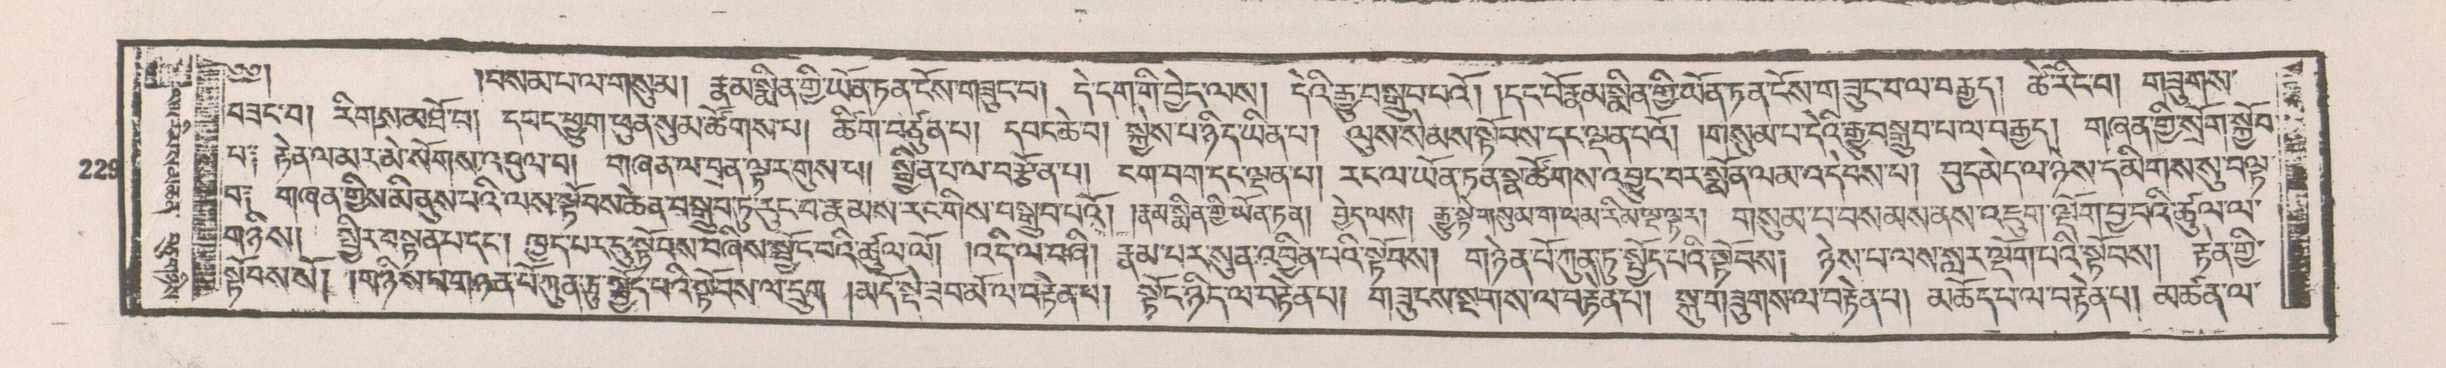༄༅། །བསམ་པ་ལ་གསུམ། རྣམ་སྨིན་གྱི་ཡོན་ཏན་ངོས་གཟུང་བ། དེ་དག་གི་བྱེད་ལས། དེའི་རྒྱུ་བསྒྲུབ་པའོ། །དང་པོ་རྣམ་སྨིན་གྱི་ཡོན་ཏན་ངོས་གཟུང་བ་ལ་བརྒྱད། ཚེ་རིང་བ། གཟུགས་
བཟང་བ། རིགས་མཐོ་བ། དབང་ཕྱུག་ཕུན་སུམ་ཚོགས་པ། ཚིག་བཙུན་པ། དབང་ཆེ་བ། སྐྱེས་པ་ཉིད་ཡིན་པ། ལུས་སེམས་སྟོབས་དང་ལྡན་པའོ། །གསུམ་པ་དེའི་རྒྱུ་བསྒྲུབ་པ་ལ་བརྒྱད། གཞན་གྱི་སྲོག་སྐྱོབ་
པ༑ རྟེན་ལ་མར་མེ་སོགས་འབུལ་བ། གཞན་ལ་བྲན་ལྟར་གུས་པ། སྦྱིན་པ་ལ་བརྩོན་པ། ངག་བག་དང་ལྡན་པ། རང་ལ་ཡོན་ཏན་སྣ་ཚོགས་འབྱུང་བར་སྨོན་ལམ་འདེབས་པ། བུད་མེད་ལ་ཉེས་དམིགས་སུ་བལྟ་
པ༑ གཞན་གྱིས་མི་ནུས་པའི་ལས་སྟོབས་ཆེན་བསྒྲུབ་ཏུ་རུང་བ་རྣམས་རང་གིས་བསྒྲུབ་པའོ། ། རྣམ་སྨིན་གྱི་ཡོན་ཏན། བྱེད་ལས། རྒྱུ་སྟེ་གསུམ་ག་ལམ་རིམ་ལྔ་ལྟར།  གསུམ་པ་བསམས་ནས་འཇུག་ལྡོག་བྱ་བའི་ཚུལ་ལ་
གཉིས། སྤྱིར་བསྟན་པ་དང་། ཁྱད་པར་དུ་སྟོབས་བཞིས་སྦྱོང་བའི་ཚུལ་ལོ། །འདི་ལ་བཞི། རྣམ་པར་སུན་འབྱིན་པའི་སྟོབས། གཉེན་པོ་ཀུན་ཏུ་སྤྱོད་པའི་སྟོབས། ཉེས་པ་ལས་སླར་ལྡོག་པའི་སྟོབས། རྟེན་གྱི་
སྟོབས་སོ། །གཉིས་པ་གཉེན་པོ་ཀུན་ཏུ་སྤྱོད་པའི་སྟོབས་ལ་དྲུག །མདོ་སྡེ་ཟབ་མོ་ལ་བརྟེན་པ། སྟོང་ཉིད་ལ་བརྟེན་པ། གཟུངས་སྔགས་ལ་བརྟེན་པ། སྐུ་གཟུགས་ལ་བརྟེན་པ། མཆོད་པ་ལ་བརྟེན་པ། མཚན་ལ་